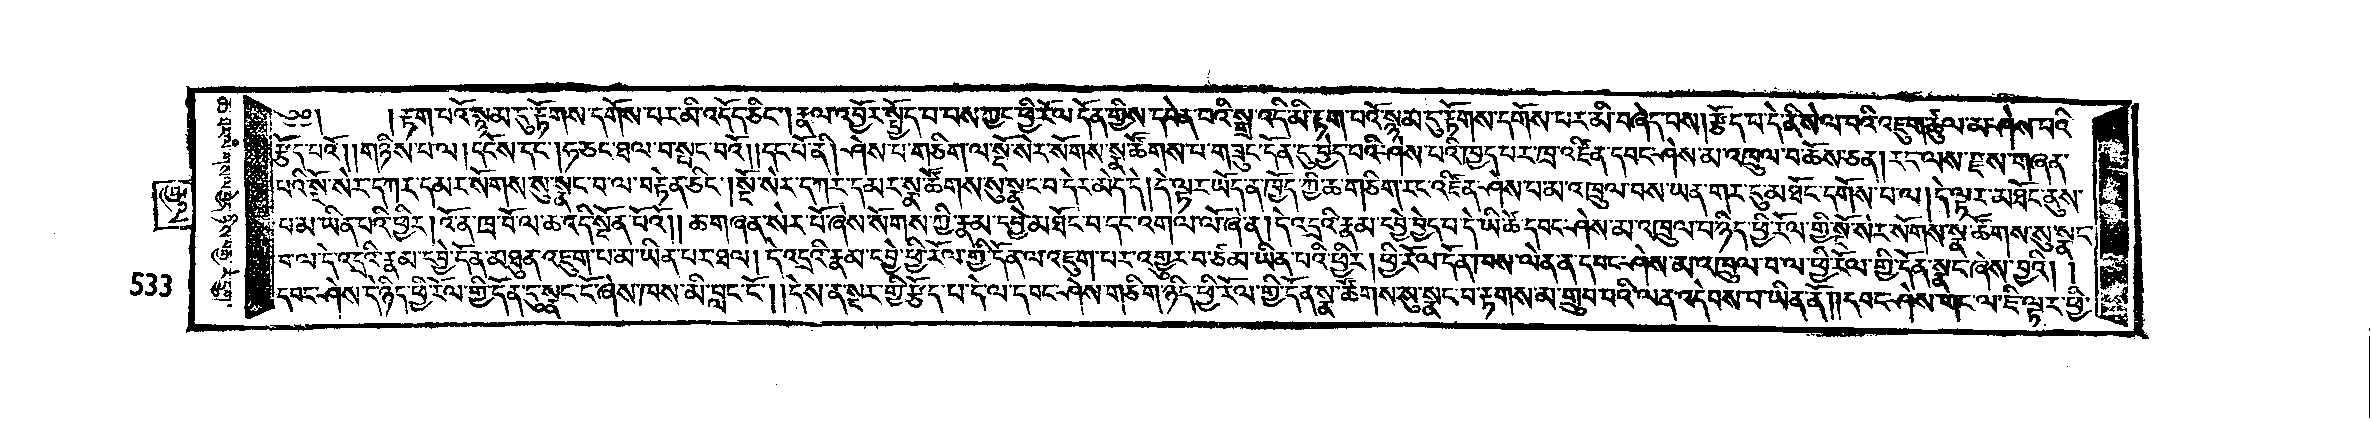༄༅། །རྟག་པའོ་སྙམ་དུ་རྟོགས་དགོས་པར་མི་འདོད་ཅིང་། རྣལ་འབྱོར་སྤྱོད་པ་པས་ཀྱང་ཕྱི་རོལ་དོན་གྱིས་དབེན་པའི་སྒྲ་འདི་མི་རྟག་པའོ་སྙམ་དུ་རྟོགས་དགོས་པར་མི་བཞེད་པས། རྩོད་པ་དེ་ནི་སེལ་བའི་འཇུག་ཚུལ་མ་ཤེས་པའི་
རྩོད་པའོ། །གཉིས་པ་ལ། དངོས་དང་། ཧ་ཅང་ཐལ་བ་སྤང་བའོ། །དང་པོ་ནི། ཤེས་པ་གཅིག་ལ་སྔོ་སེར་སོགས་སྣ་ཚོགས་པ་གཟུང་དོན་དུ་བྱེད་པའི་ཤེས་པའི་ཁྱད་པར་ཁྲ་འཛིན་དབང་ཤེས་མ་འཁྲུལ་བ་ཆོས་ཅན། རང་ལས་རྫས་གཞན་
པའི་སྔོ་སེར་དཀར་དམར་སོགས་སུ་སྣང་བ་ལ་བརྟེན་ཅིང་། སྔོ་སེར་དཀར་དམར་སྣ་ཚོགས་སུ་སྣང་བ་དེར་མེད་དེ། དེ་ལྟར་ཡོད་ན་ཁྱོད་ཀྱི་ཆ་གཅིག་རང་འཛིན་ཤེས་པ་མ་འཁྲུལ་བས་ཡན་གར་དུ་མཐོང་དགོས་པ་ལ། དེ་ལྟར་མཐོང་ནུས་
པ་མ་ཡིན་པའི་ཕྱིར། འོ་ན་ཁྲ་བོ་ལ་ཆ་འདི་སྔོན་པོའོ། །ཆ་གཞན་སེར་པོ་ཞེས་སོགས་ཀྱི་རྣམ་དབྱེ་མཐོང་བ་དང་འགལ་ལོ་ཞེ་ན། དེ་འདྲའི་རྣམ་དབྱེ་བྱེད་པ་དེ་ཡི་ཚེ་དབང་ཤེས་མ་འཁྲུལ་པ་ཉིད་ཕྱི་རོལ་གྱི་སྔོ་སེར་སོགས་སྣ་ཚོགས་སུ་སྣང་
བ་ལ་དེ་འདྲའི་རྣམ་དབྱེ་དོན་མཐུན་འཇུག་པ་མ་ཡིན་པར་ཐལ། དེ་འདྲའི་རྣམ་དབྱེ་ཕྱི་རོལ་གྱི་དོན་ལ་འཇུག་པར་འགྱུར་བ་ཙམ་ཡིན་པའི་ཕྱིར། ཕྱི་རོལ་དོན་ཁས་ལེན་ན་དབང་ཤེས་མ་འཁྲུལ་བ་ལ་ཕྱི་རོལ་གྱི་དོན་སྣང་ཞེས་བྱའི། །
དབང་ཤེས་དེ་ཉིད་ཕྱི་རོལ་གྱི་དོན་དུ་སྣང་ངོ་ཞེས་ཁས་མི་བླང་ངོ། །དེས་ན་སྔར་གྱི་རྩོད་པ་དེ་ལ་དབང་ཤེས་གཅིག་ཉིད་ཕྱི་རོལ་གྱི་དོན་སྣ་ཚོགས་སུ་སྣང་བ་རྟགས་མ་གྲུབ་པའི་ལན་འདེབས་པ་ཡིན་ནོ། །དབང་ཤེས་གང་ལ་ཇི་ལྟར་ཕྱི་